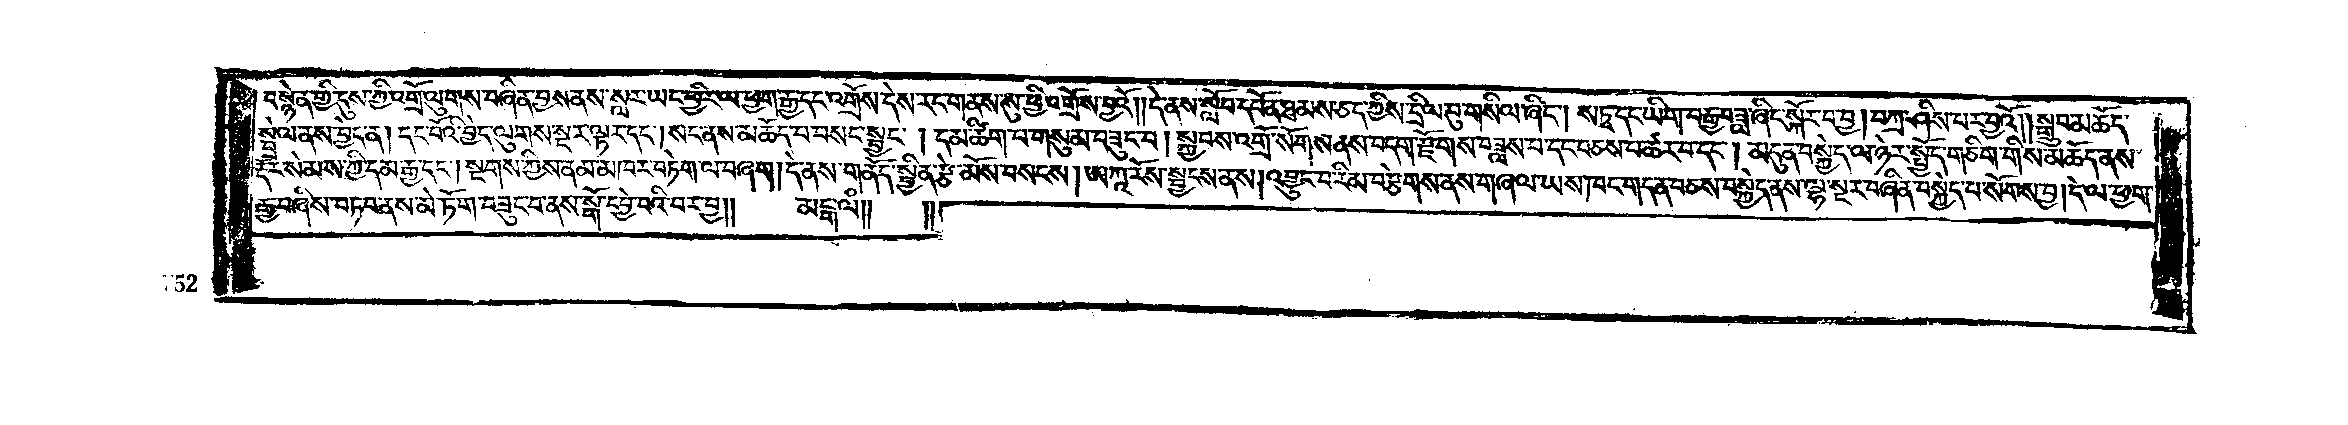བསྙེན་གྱི་དུས་ཀྱི་འགྲོ་ལུགས་བཞིན་བྱས་ནས་སླར་ཡང་ཕྱིར་ལ་ཕྱག་རྒྱ་དང་འགྲོས་དེས་རང་གནས་སུ་ཕྱི་འགྲོས་བྱའོ། །དེ་ནས་སློབ་དཔོན་ཐམས་ཅད་ཀྱིས་དྲིལ་བུ་གསིལ་ཞིང་། སྟྭ་དང་ཡིག་བརྒྱ་བཟླ་ཞིང་སྐོར་བ་བྱ། བཀྲ་ཤིས་པར་བྱའོ། །སྒྲུབ་མཆོད་
སྦྲེལ་ནས་བྱེད་ན། དང་པོའི་བྱེད་ལུགས་སྔར་ལྟར་དང་། སང་ནས་མཆོད་པ་བསང་སྦྱང་། དམ་ཚིག་པ་གསུམ་བཟུང་བ། སྐྱབས་འགྲོ་སོགས་ནས་བདག་རྫོགས་བཟླས་པ་དང་བཅས་པ་ཚར་བ་དང་། མདུན་བསྐྱེད་ལ་ཉེར་སྤྱོད་གཅིག་གིས་མཆོད་ནས་
རྡོར་སེམས་ཀྱི་དམ་རྒྱ་དང་། སྔགས་ཀྱིས་ནམ་མཁར་བཏེག་ལ་བཞག །དེ་ནས་གནོད་སྦྱིན་རྩེ་མོས་གསངས། ཨ་ཀཱ་རོས་སྦྱངས་ནས། འབྱུང་བ་རིམ་བརྩེགས་ནས་གཞལ་ཡས་ཁང་གདན་བཅས་བསྐྱེད་ནས་ལྷ་སྔར་བཞིན་བསྐྱེད་པ་སོགས་བྱ། དེ་ལ་ཕྱག་
རྒྱ་བཞིས་བཏབ་ནས་མེ་ཏོག་བཟུང་བ་ནས་སྒོ་དབྱེ་བའི་བར་བྱ།། མངྒ་ལཾ།། །།